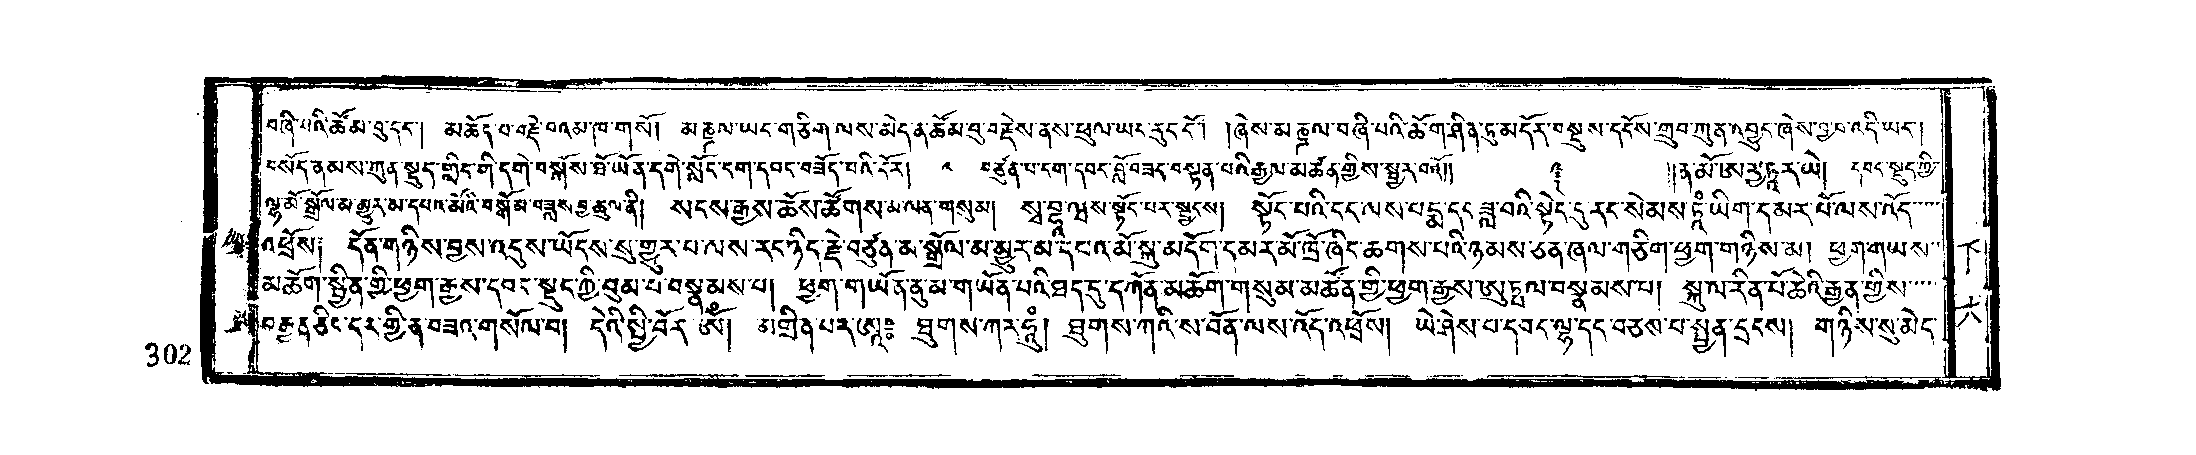བཞི་པའི་ཚོམ་བུ་དང་། མཆོད་པ་བརྗེ་བའམ་ཁ་གསོ། མཎྜལ་ཡང་གཅིག་ལས་མེད་ན་ཚོམ་བུ་བརྗེས་ནས་ཕུལ་ཡང་རུང་ངོ། །ཞེས་མཎྜལ་བཞི་པའི་ཆོ་ག་ཤིན་ཏུ་མདོར་བསྡུས་དངོས་གྲུབ་ཀུན་འབྱུང་ཞེས་བྱ་བ་འདི་ཡང་།
བསོད་ནམས་ཀུན་སྡུད་གླིང་གི་དགེ་བསྐོས་ཐོ་ཡོན་དགེ་སློང་ངག་དབང་བཟོད་པའི་ངོར། བཙུན་པ་ངག་དབང་བློ་བཟང་བསྟན་པའི་རྒྱལ་མཚན་གྱིས་སྦྱར་བའོ། །ན་མོ་ཨརྱ་ཏཱ་ར་ཡེ། དབང་སྡུད་ཀྱི་
ལྷ་མོ་སྒྲོལ་མ་མྱུར་མ་དཔའ་མོའི་བསྒོམ་བཟླས་བྱ་ཚུལ་ནི། སངས་རྒྱས་ཆོས་ཚོགས་མ་ལན་གསུམ། སྭ་བྷཱ་ཝས་སྟོང་པར་སྦྱངས། སྟོང་པའི་ངང་ལས་པདམ་དང་ཟླ་བའི་སྟེང་དུ་རང་སེམས་ཏཱཾ་ཡིག་དམར་པོ་ལས་འོད་
འཕྲོས། དོན་གཉིས་བྱས་འདུས་ཡོངས་སུ་གྱུར་པ་ལས་རང་ཉིད་རྗེ་བཙུན་མ་སྒྲོལ་མ་མྱུར་མ་དཔའ་མོ་སྐུ་མདོག་དམར་མོ་ཁྲོ་ཞིང་ཆགས་པའི་ཉམས་ཅན་ཞལ་གཅིག་ཕྱག་གཉིས་མ། ཕྱག་གཡས་
མཆོག་སྦྱིན་གྱི་ཕྱག་རྒྱས་དབང་སྡུད་ཀྱི་བུམ་པ་བསྣམས་པ། ཕྱག་གཡོན་ནུ་མ་གཡོན་པའི་ཐད་དུ་དཀོན་མཆོག་གསུམ་མཚོན་གྱི་ཕྱག་རྒྱས་ཨུཏྤལ་བསྣམས་པ། སྐུ་ལ་རིན་པོ་ཆེའི་རྒྱན་གྱིས་
བརྒྱན་ཅིང་དར་གྱི་ན་བཟའ་གསོལ་བ། དེའི་སྤྱི་བོར་ཨོཾ། མགྲིན་པར་ཨཱཿ ཐུགས་ཀར་ཧཱུཾ། ཐུགས་ཀའི་ས་བོན་ལས་འོད་འཕྲོས། ཡེ་ཤེས་པ་དབང་ལྷ་དང་བཅས་པ་སྤྱན་དྲངས། གཉིས་སུ་མེད་